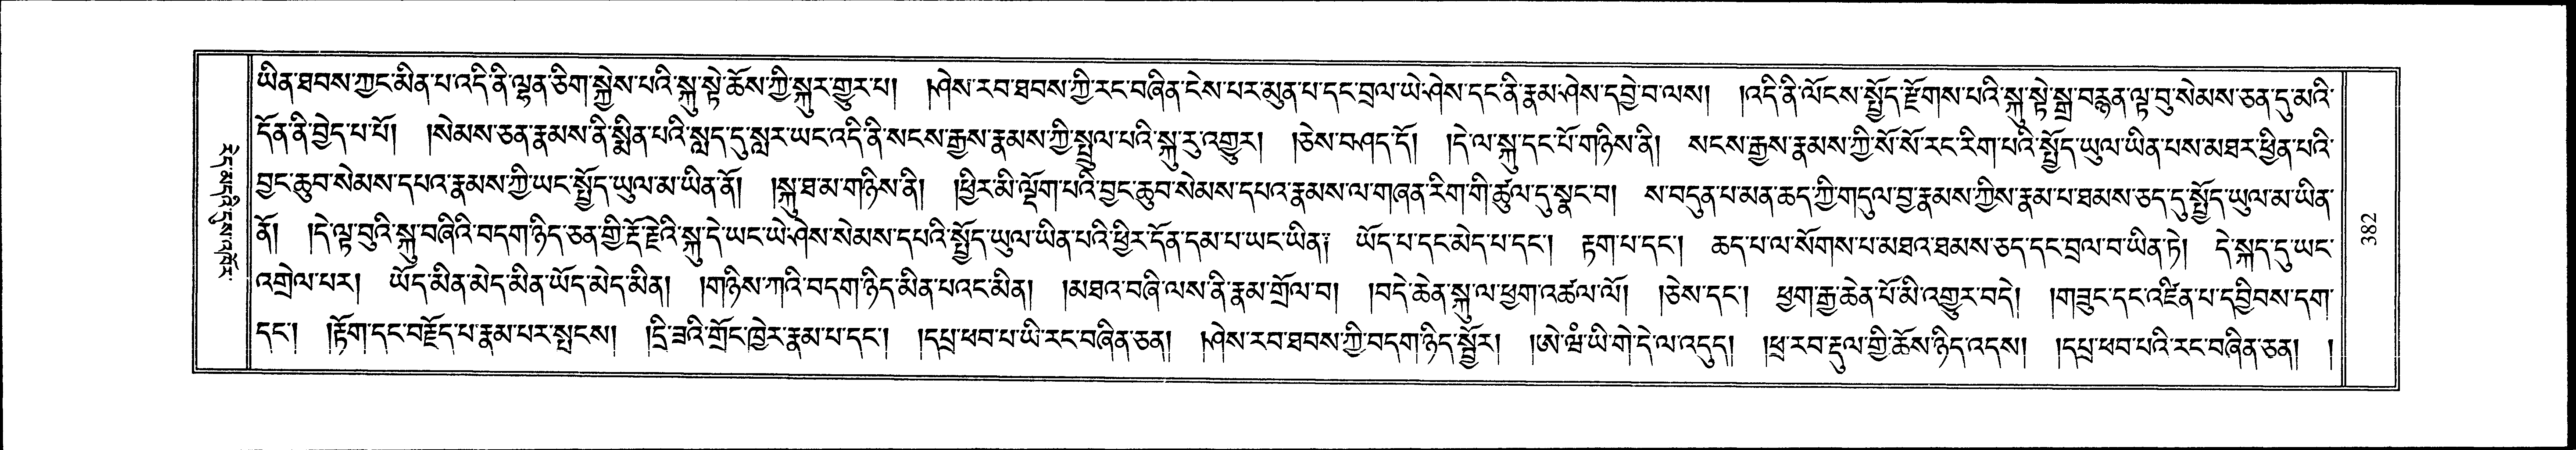ཡིན་ཐབས་ཀྱང་མིན་པ་འདི་ནི་ལྷན་ཅིག་སྐྱེས་པའི་སྐུ་སྟེ་ཆོས་ཀྱི་སྐུར་གྱུར་པ། །ཤེས་རབ་ཐབས་ཀྱི་རང་བཞིན་ངེས་པར་མུན་པ་དང་བྲལ་ཡེ་ཤེས་དང་ནི་རྣམ་ཤེས་དབྱེ་བ་ལས། །འདི་ནི་ལོངས་སྤྱོད་རྫོགས་པའི་སྐུ་སྟེ་སྒྲ་བརྙན་ལྟ་བུ་སེམས་ཅན་དུ་མའི་
དོན་ནི་བྱེད་པ་པོ། །སེམས་ཅན་རྣམས་ནི་སྨིན་པའི་སླད་དུ་སླར་ཡང་འདི་ནི་སངས་རྒྱས་རྣམས་ཀྱི་སྤྲུལ་པའི་སྐུ་རུ་འགྱུར། །ཅེས་བཤད་དོ། །དེ་ལ་སྐུ་དང་པོ་གཉིས་ནི། སངས་རྒྱས་རྣམས་ཀྱི་སོ་སོ་རང་རིག་པའི་སྤྱོད་ཡུལ་ཡིན་པས་མཐར་ཕྱིན་པའི་
བྱང་ཆུབ་སེམས་དཔའ་རྣམས་ཀྱི་ཡང་སྤྱོད་ཡུལ་མ་ཡིན་ནོ། །སྐུ་ཐ་མ་གཉིས་ནི། །ཕྱིར་མི་ལྡོག་པའི་བྱང་ཆུབ་སེམས་དཔའ་རྣམས་ལ་གཞན་རིག་གི་ཚུལ་དུ་སྣང་བ། ས་བདུན་པ་མན་ཆད་ཀྱི་གདུལ་བྱ་རྣམས་ཀྱིས་རྣམ་པ་ཐམས་ཅད་དུ་སྤྱོད་ཡུལ་མ་ཡིན་
ནོ། །དེ་ལྟ་བུའི་སྐུ་བཞིའི་བདག་ཉིད་ཅན་གྱི་རྡོ་རྗེའི་སྐུ་དེ་ཡང་ཡེ་ཤེས་སེམས་དཔའི་སྤྱོད་ཡུལ་ཡིན་པའི་ཕྱིར་དོན་དམ་པ་ཡང་ཡིན། ཡོད་པ་དང་མེད་པ་དང་། རྟག་པ་དང་། ཆད་པ་ལ་སོགས་པ་མཐའ་ཐམས་ཅད་དང་བྲལ་བ་ཡིན་ཏེ། དེ་སྐད་དུ་ཡང་
འགྲེལ་བར། ཡོད་མིན་མེད་མིན་ཡོད་མེད་མིན། །གཉིས་ཀའི་བདག་ཉིད་མིན་པའང་མིན། །མཐའ་བཞི་ལས་ནི་རྣམ་གྲོལ་བ། །བདེ་ཆེན་སྐུ་ལ་ཕྱག་འཚལ་ལོ། །ཅེས་དང་། ཕྱག་རྒྱ་ཆེན་པོ་མི་འགྱུར་བདེ། །གཟུང་དང་འཛིན་པ་དབྱིབས་དག་
དང་། །རྟོག་དང་བརྗོད་པ་རྣམ་པར་སྤངས། །དྲི་ཟའི་གྲོང་ཁྱེར་རྣམ་པ་དང་། །དཔྲ་ཕབ་པ་ཡི་རང་བཞིན་ཅན། །ཤེས་རབ་ཐབས་ཀྱི་བདག་ཉིད་སྦྱོར། །ཨེ་ཝཾ་ཡི་གེ་དེ་ལ་འདུད། །ཕྲ་རབ་རྡུལ་གྱི་ཆོས་ཉིད་འདས། །དཔྲ་ཕབ་པའི་རང་བཞིན་ཅན། །